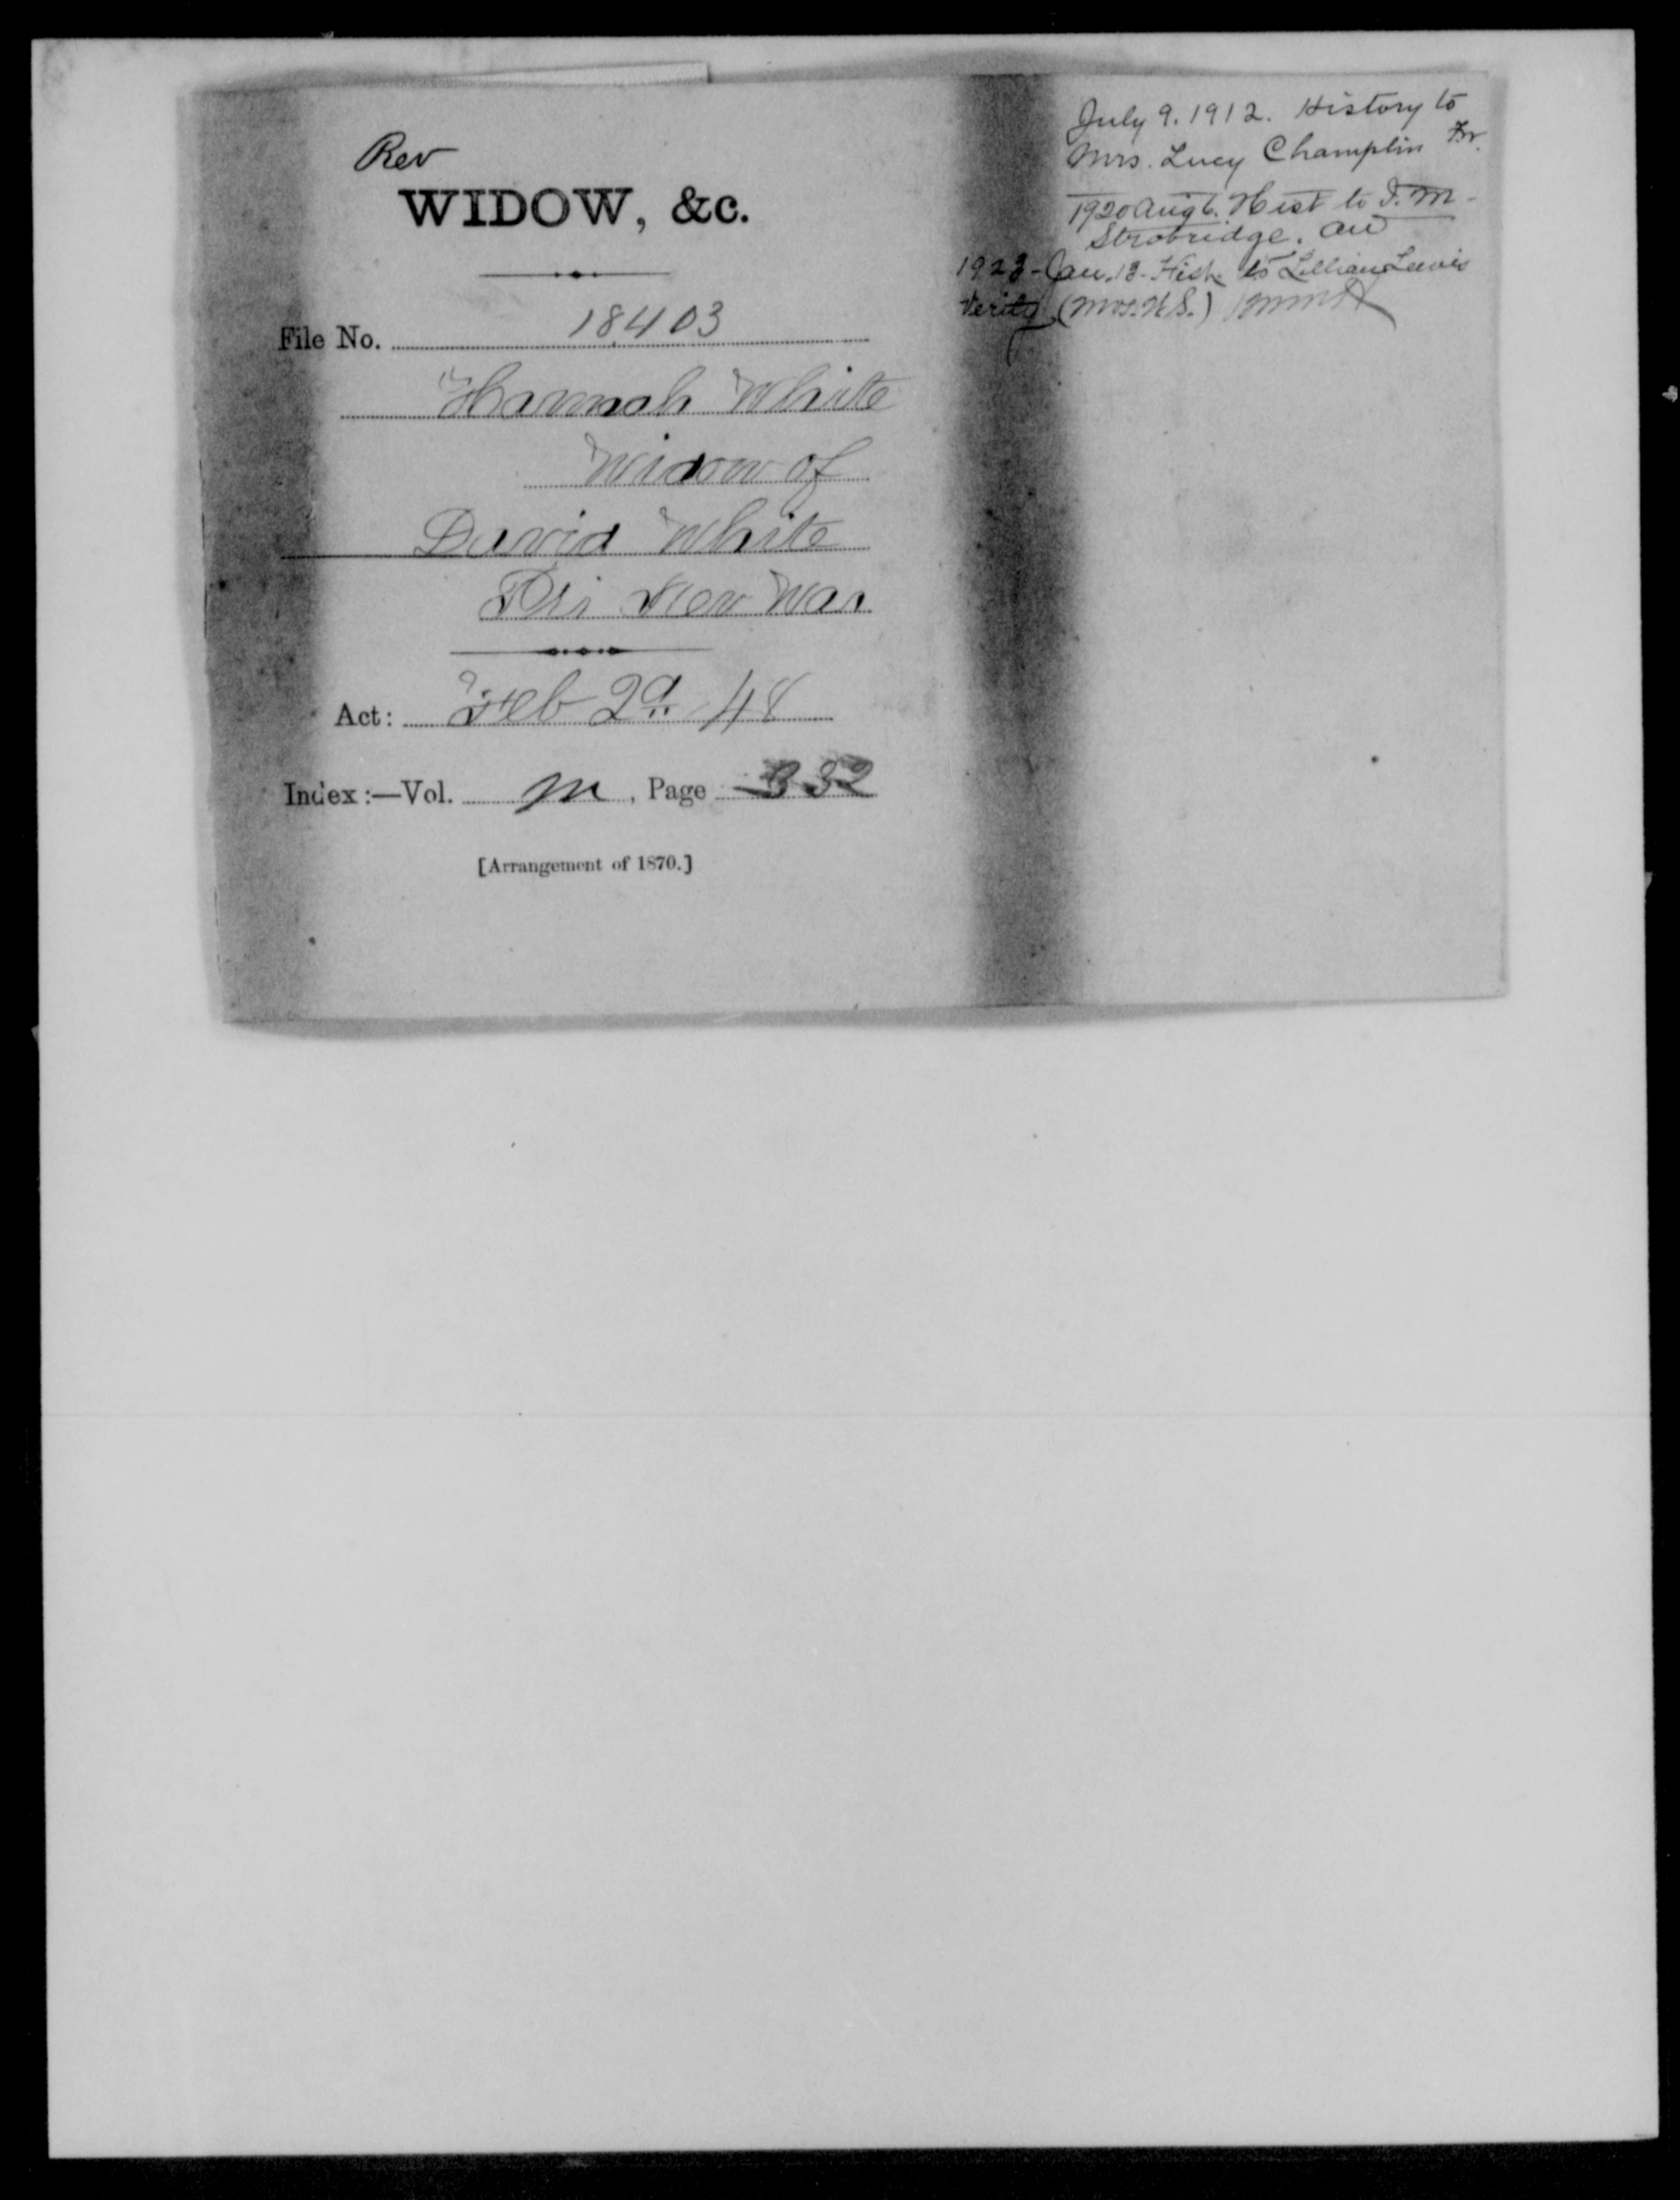Rev WIDOW, &c.

File No. 18403
Hannah White
Widow of David White
Pri Rev War
Act:  Feb 29 48
Index:--Vol. M, Page 332

[Arrangement of 1870]

July 9, 1912. History to Mrs. Lucy Champlin Br.

1920 Aug 6 Hist to I.J. Strobridge. Aw

1863-Jan.18. Hist to Lillian Lewis

[darkened out] (Mrs. W.S.) MMH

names: Lucy Champlin, J M Strobridge, Hannah White, David White, Lillian Lewis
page: 35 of 63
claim: widow's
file: W. 18403, David White, Conn.